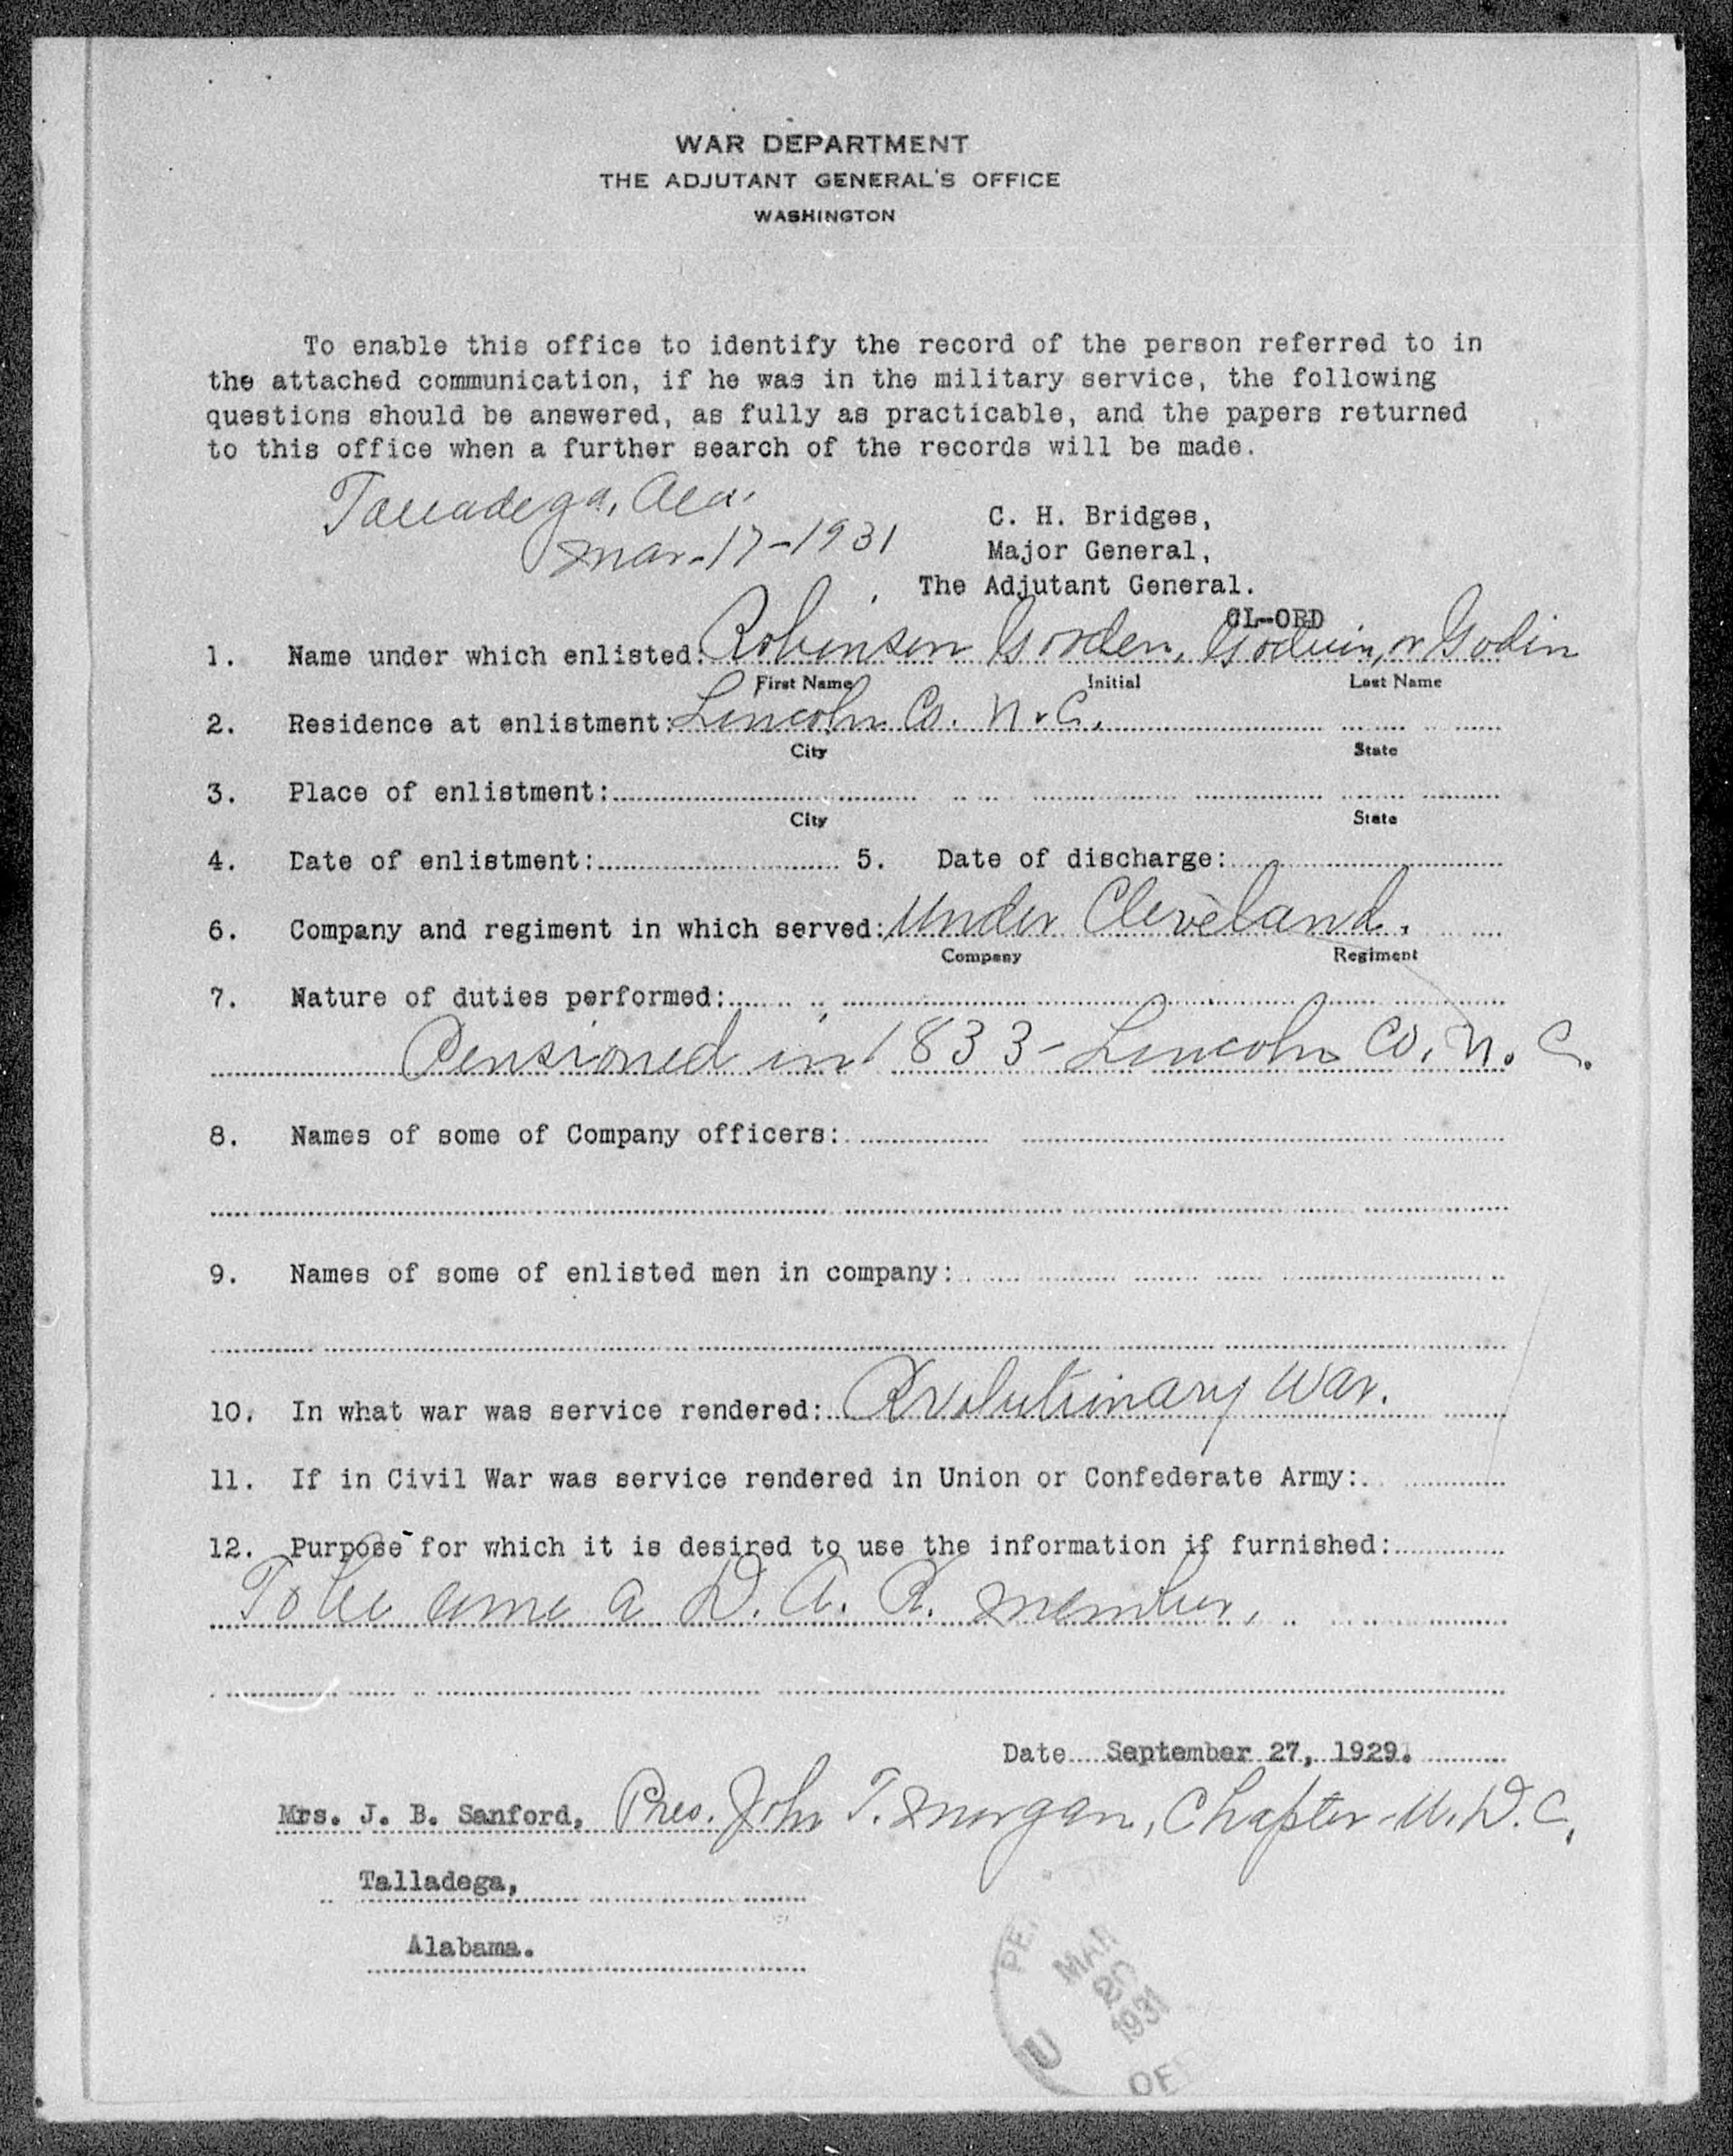WAR DEPARTMENT
THE ADJUTANT GENERAL'S OFFICE
WASHINGTON
To enable this office to identify the record of the person referred to in
attached communication, if he was in the military service, the following
questions should be answered, as fully as practicable, and the papers returned to
this office when a further search of the records will be made.
Talladega - 1931
C. H. Bridges,
Major General,
The Adjutant General
Name under which enlisted Robinson Goshen, God or Godin
initial
Residence at enlistment Lincoln Co. Ct
Last Name
City
State
Place of enlistment:
City
State
Date of enlistment;
Date of discharge.
Company and regiment in which served under Cleveland,
Nature of duties performed.
Pensioned in 1833
Names of some of Company officers:
9. Names of some of enlisted men in company:
===
10. In what war was service rendered: Revolutionary War
11. If in Civil War was service rendered in Union or Confederate Army:
12. Purpose for which it is desired to use the information in furnished
Date September 27, 1929
Mrs. J. B. Sanford. Pres. John T. Morgan, Chapter M.D. C
Talladega,
Alabama.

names: C H Bridges, J B Sanford, Robinson Godin, John T Morgan, Robinson Gooden, Robinson Godwin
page: 13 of 16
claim: survivor's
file: S. 6,894, Robison Goodwin, N.C.